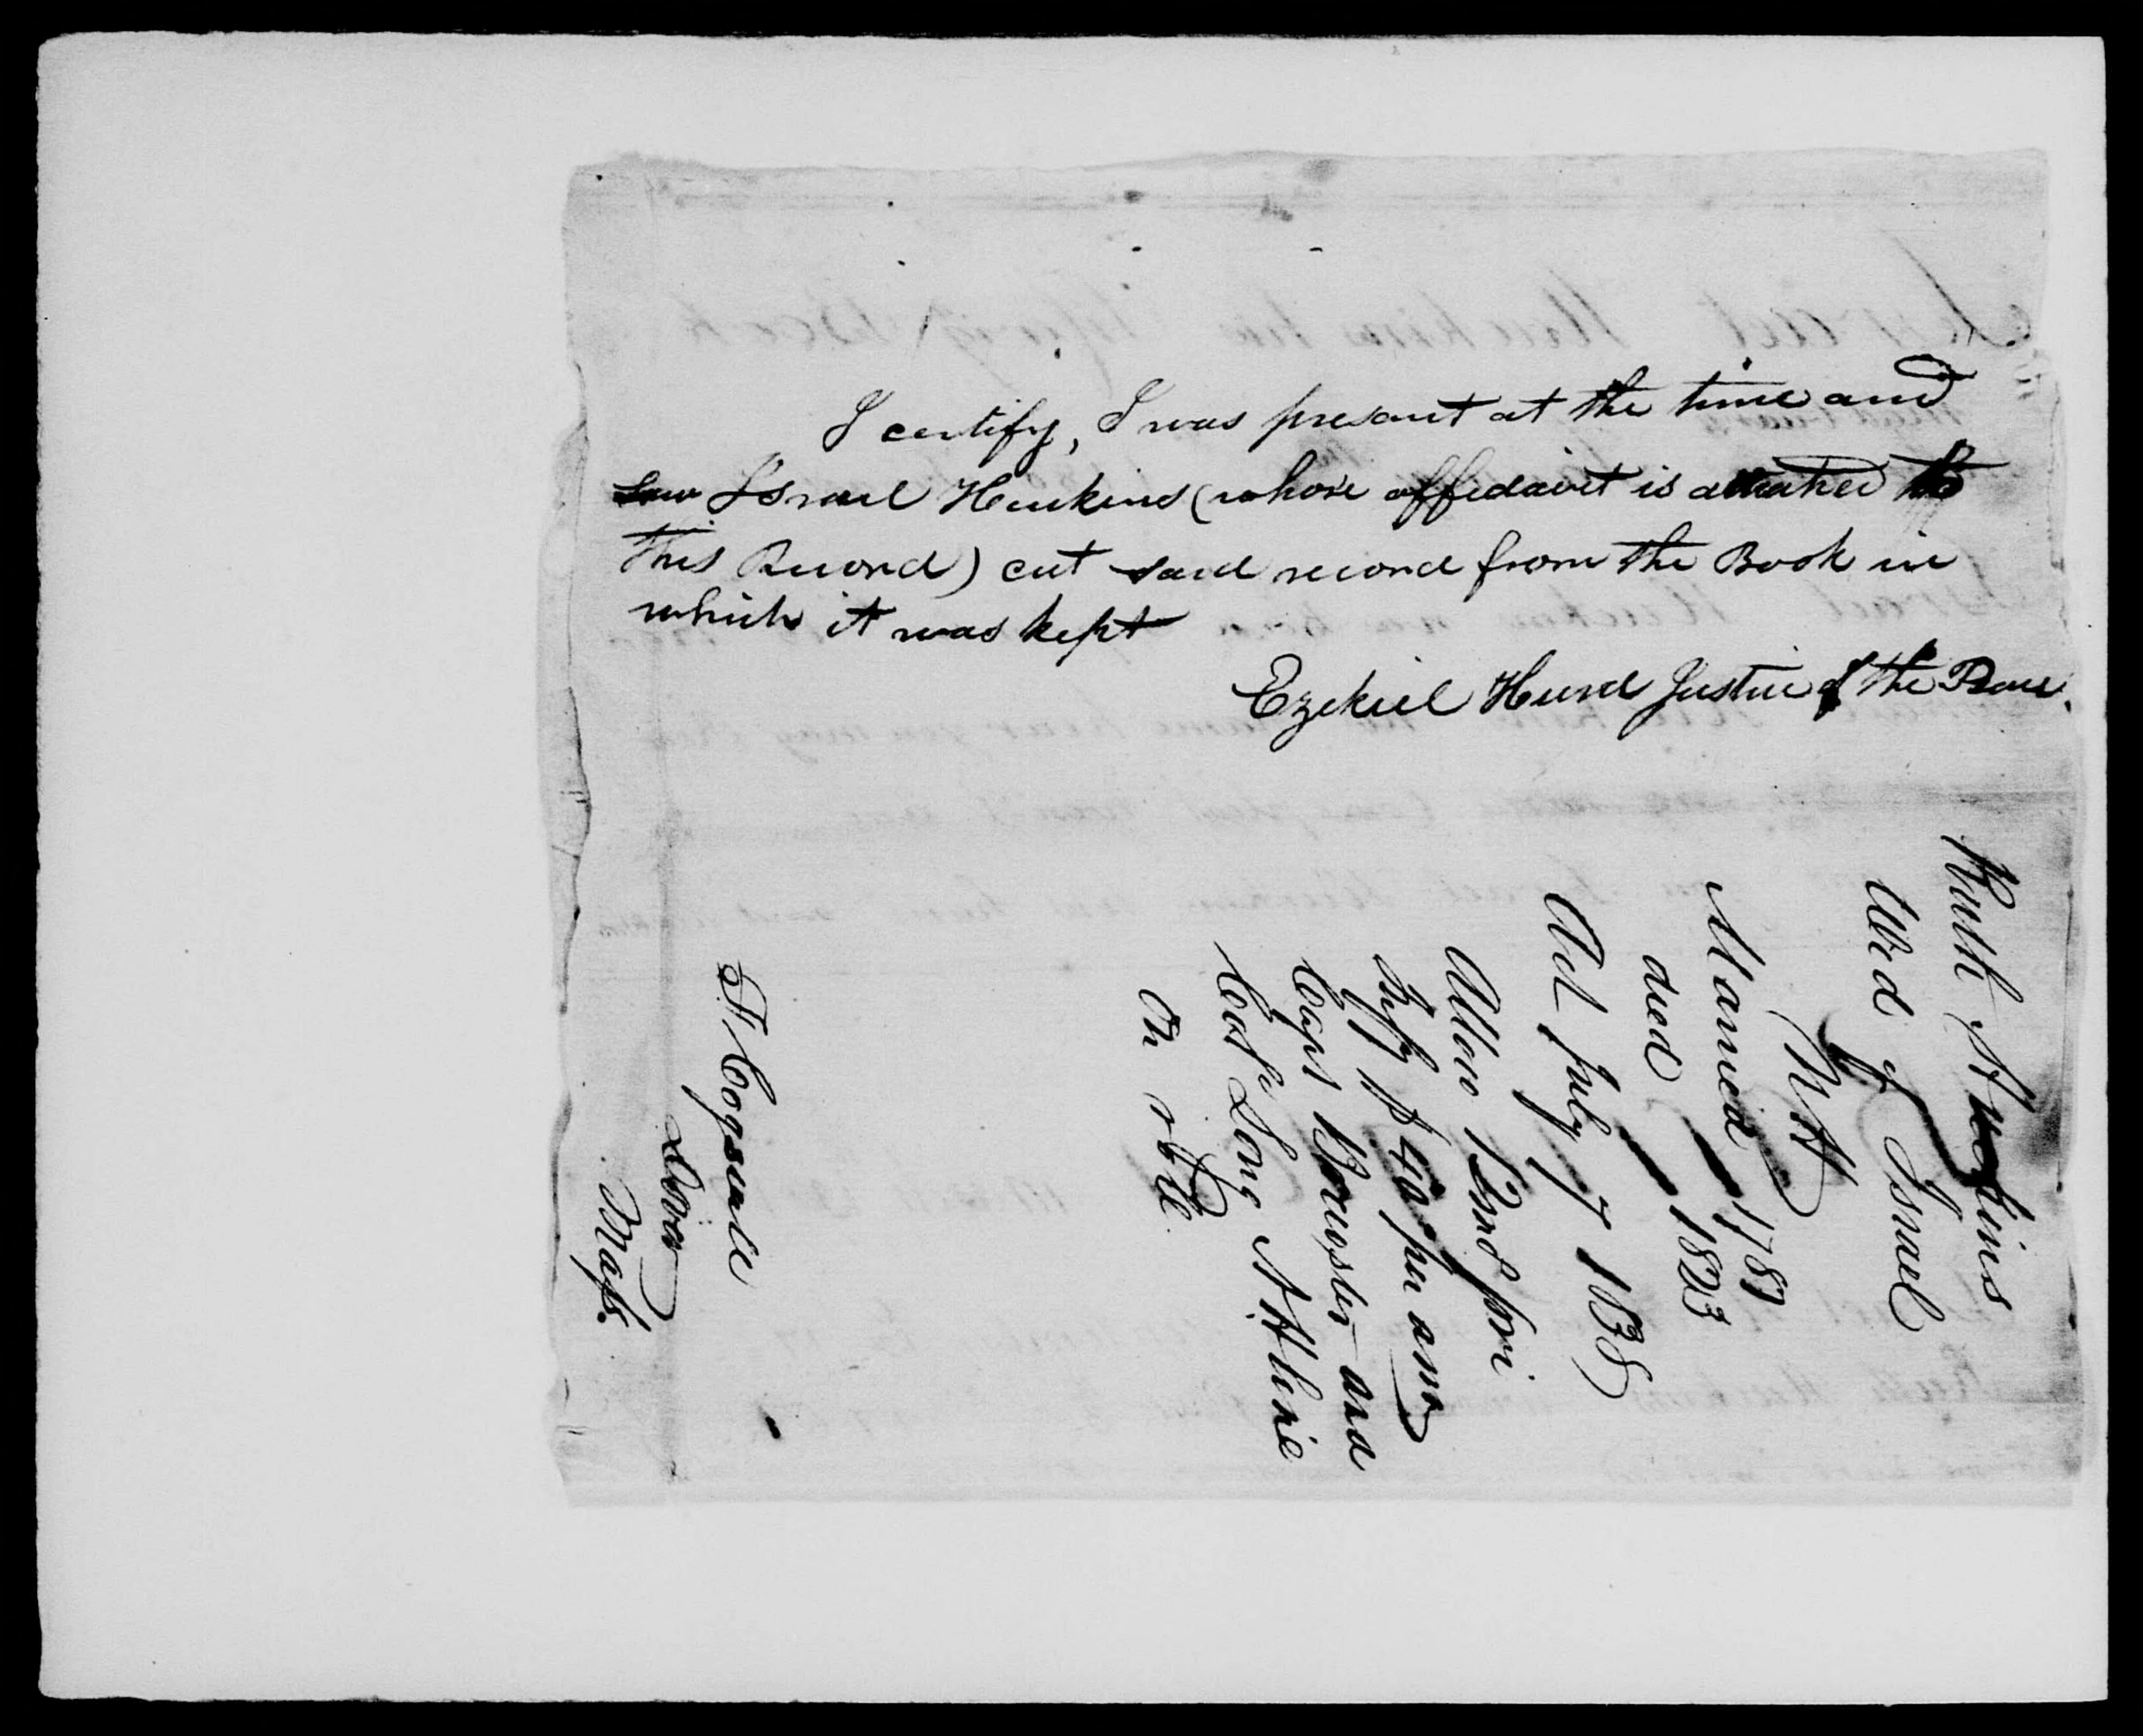I certify I was present at the time and saw Israel Huckins (whose affidavit is attached to this record) cut said record from the book in which it was kept.
Ezekiel Heard, Justice of the Peace

Bank of Savings Ad 8th Israel Huckins Ad July 7th 1825
Manuscript 1803 Adj. Aug. 7, 1833 Allin Fancher and Elijah Garrison and Ezekiel Brooks and Col. John Haskell or
J. Rogers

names: F Cogswell, Ruth Huckins, Long, Israel Huckins, Brewster, Ezekiel Hurd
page: 21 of 35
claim: widow's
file: W. 16127, Israel Huckins, N.H.